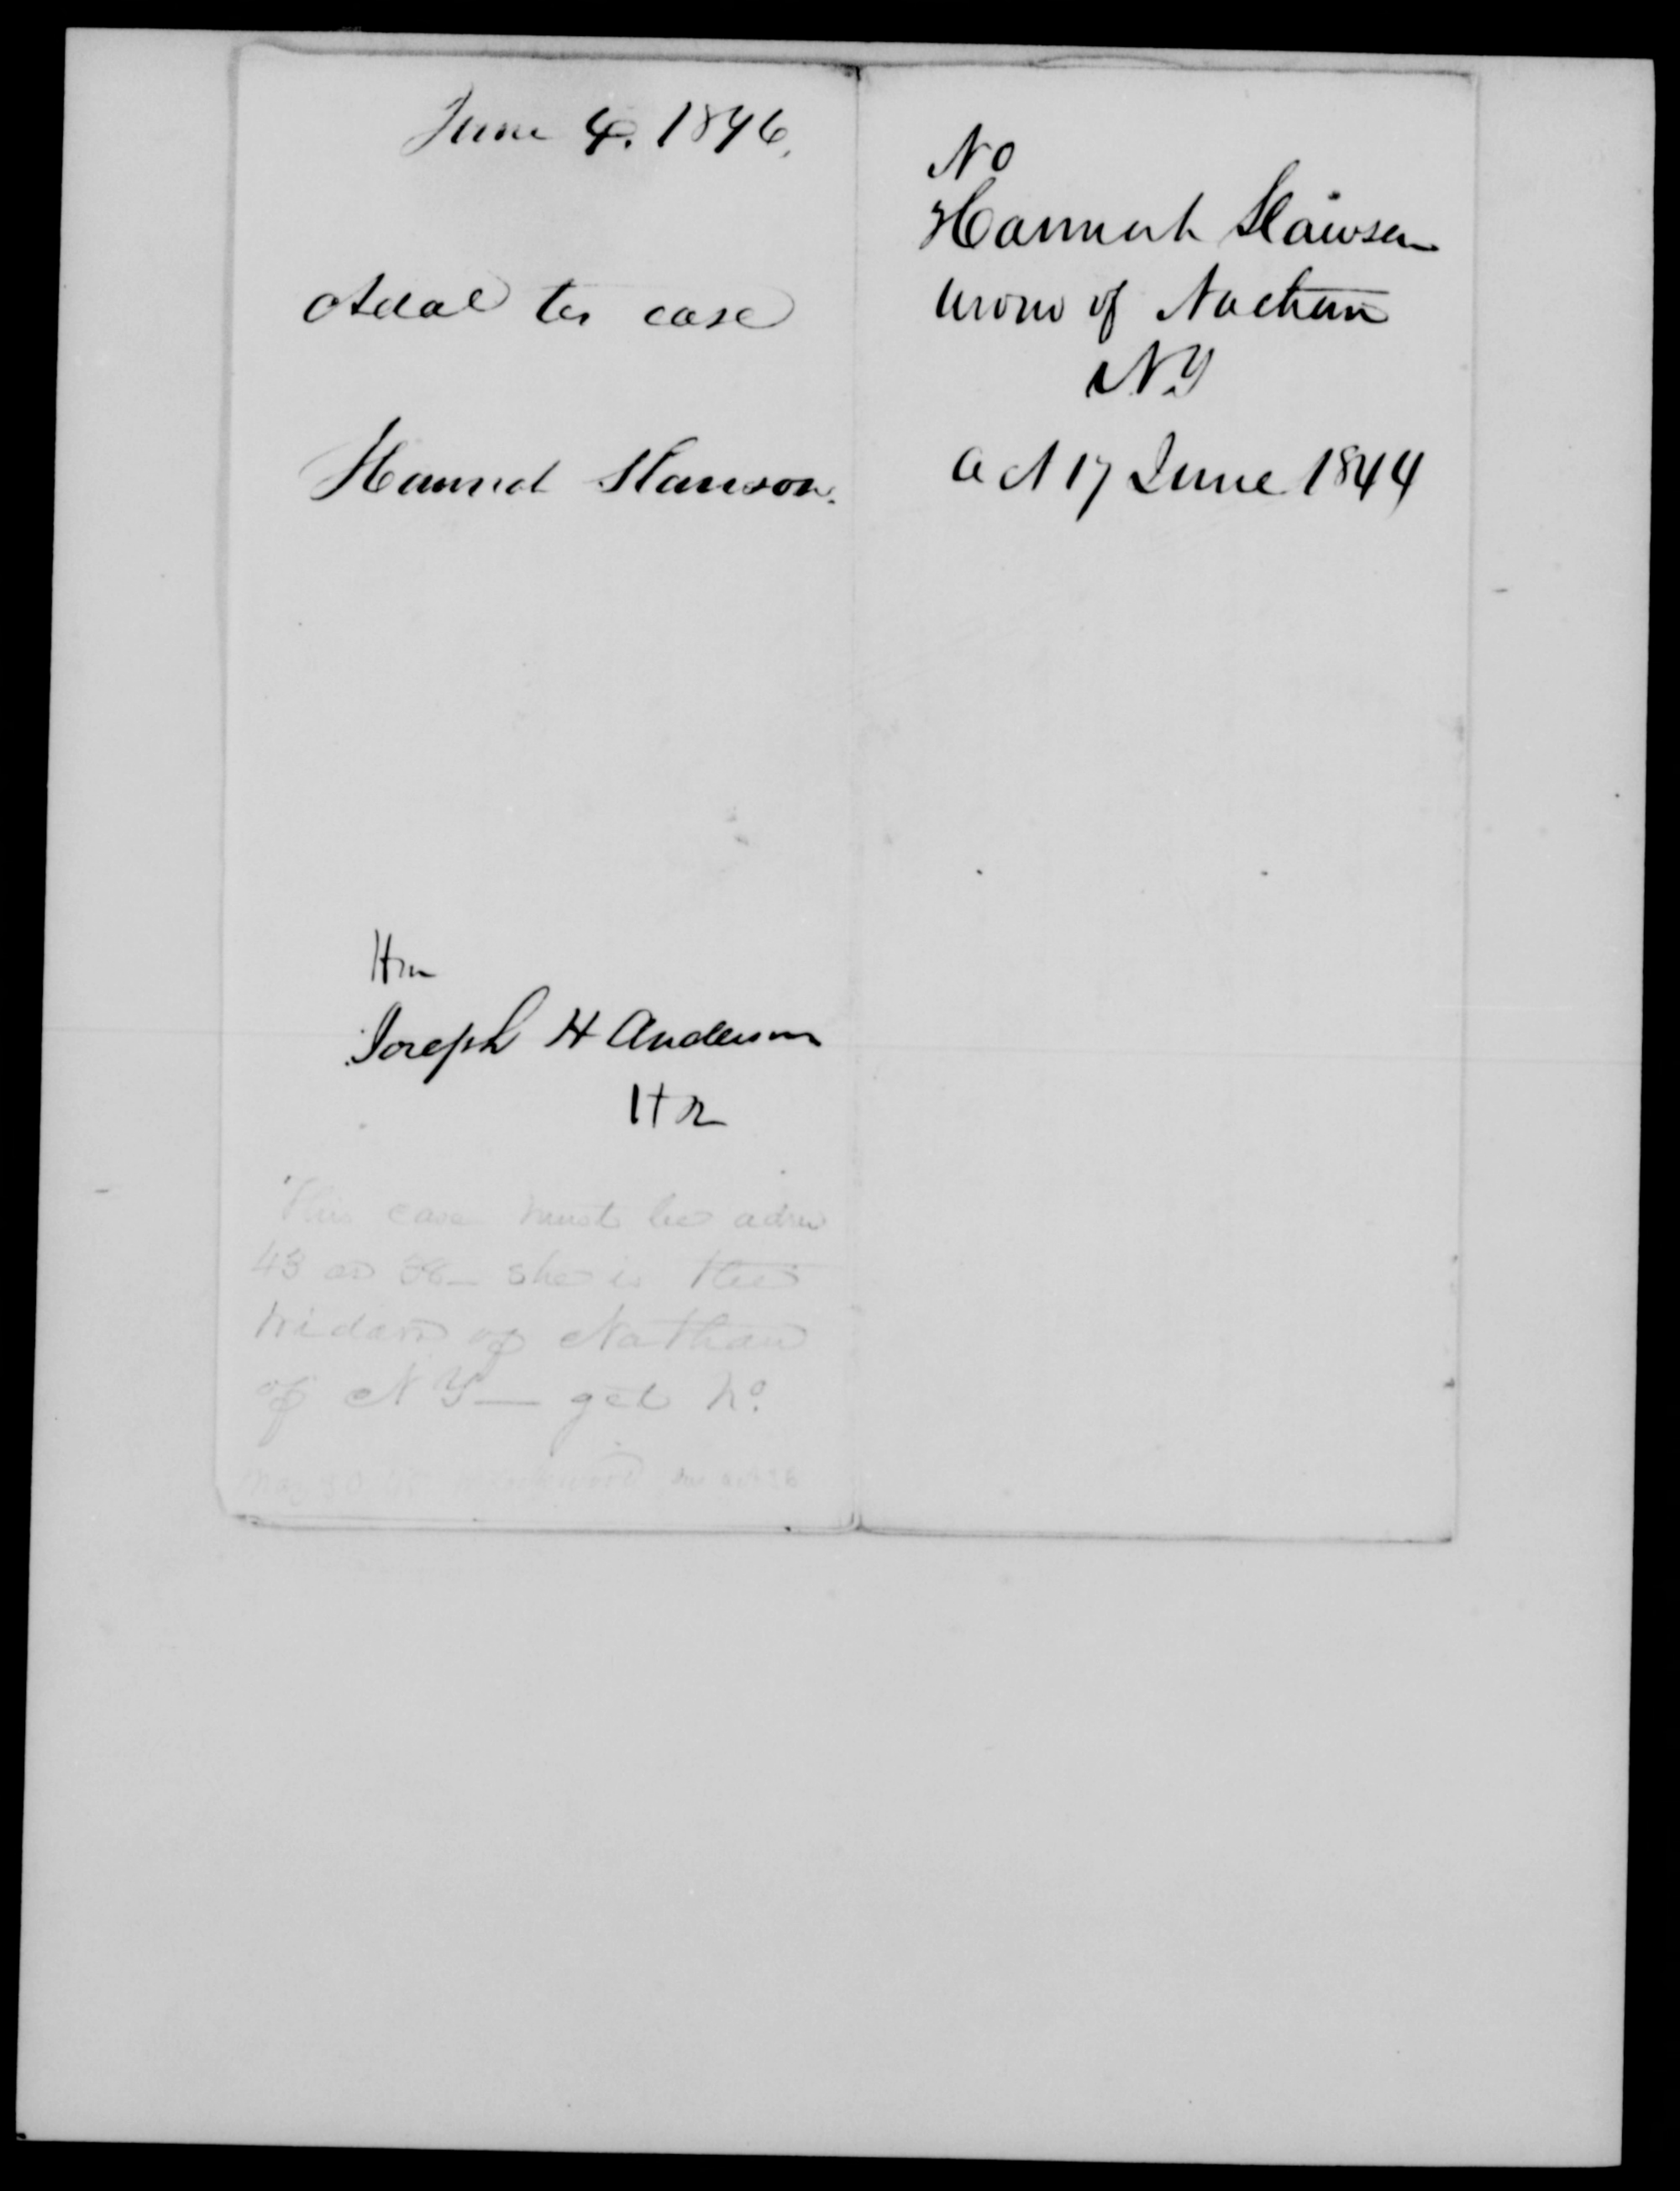June 4 1846
Addl to case
Hannah Slawson
No
Hannah Slawson
Widow of Nathan
NY
Act 17 June 1844
Hon Joseph H. Anderson H.R.
This case must be add’l 43 as 38 – she is the widow of Nathan of NY – get No. May 30 Wm. Lockwood [unreadable] Act 36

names: Nathan Slawson; Nathan [BLANK]; Hannah Slawson; Joseph H Anderson; Hannah Slawson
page: 79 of 87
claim: widow's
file: W. 22,226, for Nathan Slawson, Connecticut